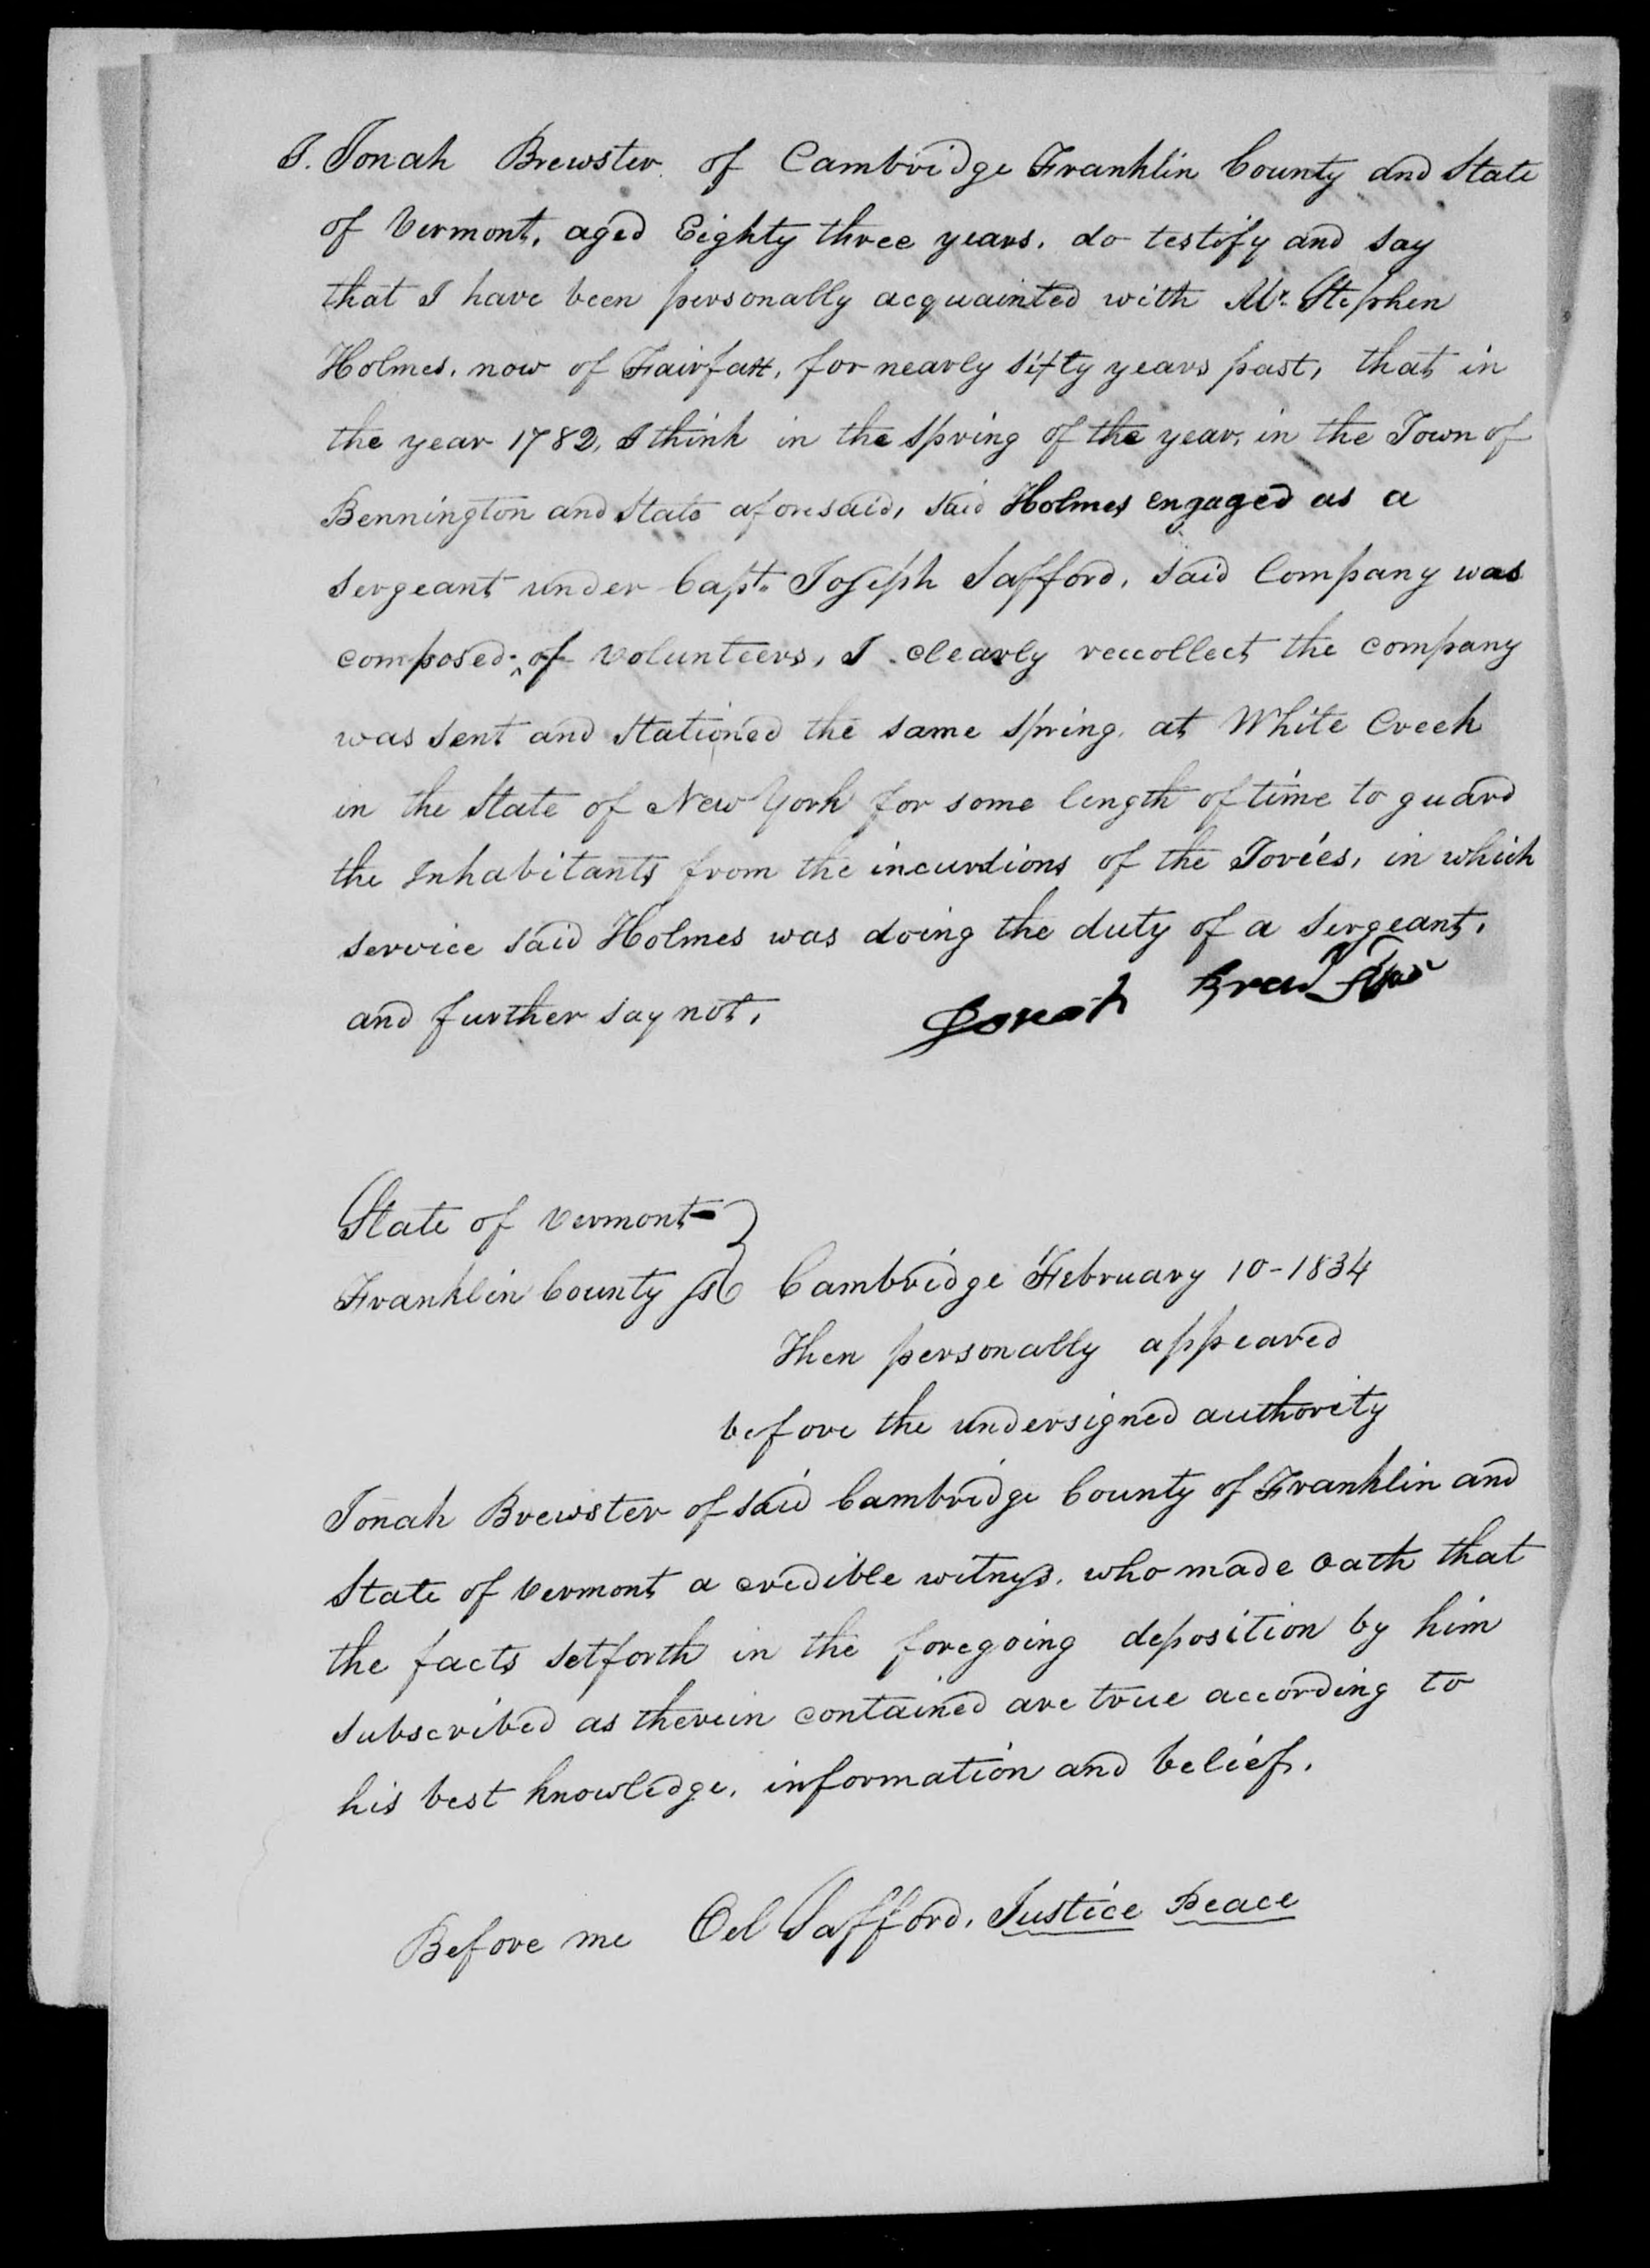I, Jonah Brewster of Cambridge Franklin County and State of Vermont, aged Eighty three years, do testify and say that I have been personally acquainted with Mr Stephen Holmes, now of Fairfax, for nearly fifty years past, that in the year 1782, I think in the spring of the year, in the Town of Bennington and State aforesaid, said Holmes engaged as a Sergeant under Capt. Joseph Safford, said Company was composed of volunteers, I clearly reccollect the company was sent and stationed the same spring, at White Creek in the State of New York for some length of time to guard the inhabitants from the incursions of the Tories, in which service said Holmes was doing the duty of a Sergeant, and further say not,

Jonah Brewster

State of Vermont
Franklin County ss

Cambridge February 10 - 1834

Then personally appeared before the undersigned authority Jonah Brewster of said Cambridge County of Franklin and State of Vermont a credible witness, who made oath that the facts set forth in the foregoing deposition by him subscribed as therein contained are true according to his best knowledge, information and belief.

Before me Col Safford, Justice Peace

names: Joseph Safford, Holmes, Jonah Brewster, Jonah Brewster, Jonah Brewster, Holmes, Stephen Holmes, Oel Safford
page: 45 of 72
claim: widow's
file: W. 7771, Stephen Holmes, Vt.